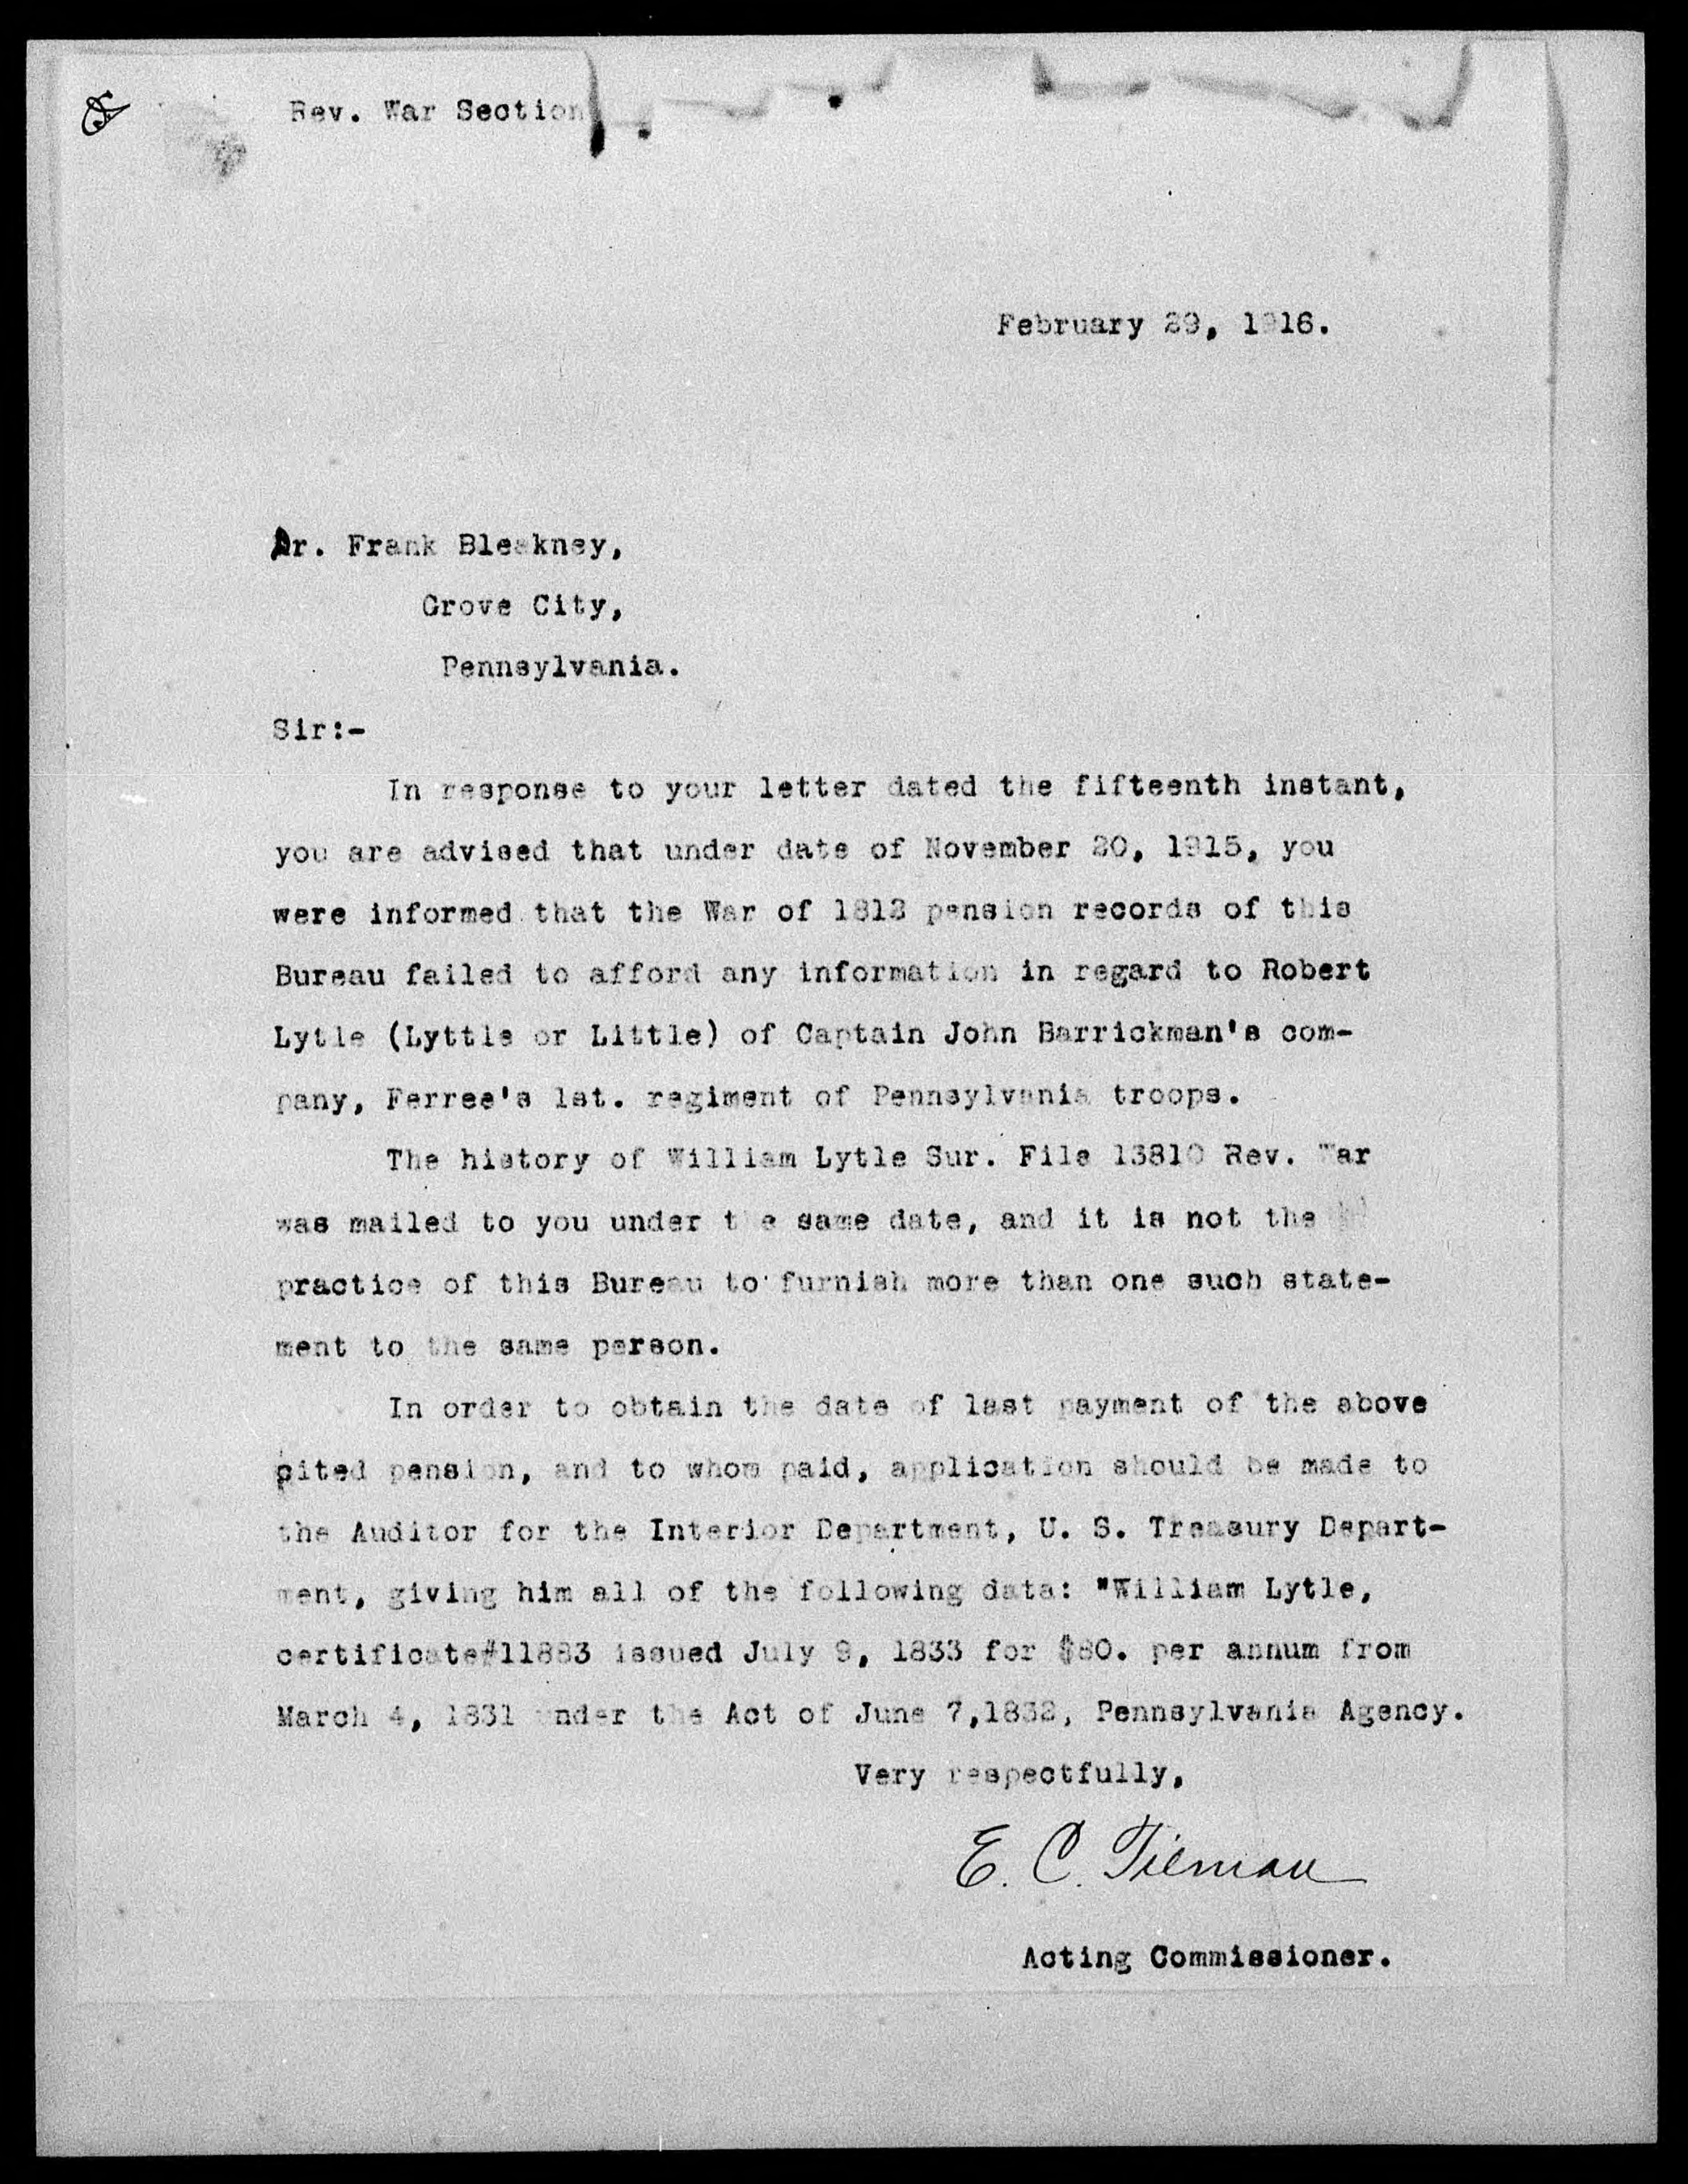Rev. War Section

February 29, 1916.

Dr. Frank Bleakney,
Grove City,
Pennsylvania.

Sir: --
In response to your letter dated the fifteenth instant, you are advised that under date of November 20, 1915, you were informed that the War of 1812 pension records of this
Bureau failed to afford any information in regard to Robert Lytle (Lyttle or Little) of Captain John Barrickman's company, Ferree's 1st regiment of Pennsylvania troops.
The history of William Lytle Sur. File 13810 Rev. War was mailed to you under the same date, and it is not the practice of this Bureau to furnish more than one such statement
to the same person.
In order to obtain the date of last payment of the above cited pension, and to whom paid, application should be made to the Auditor for the Interior Department, U.S. Treasury Department, giving him all of the following data: William Lytle, certificate #11883 issued July 9, 1833 for $80. per annum from
March 4, 1831 under the Act of June 7, 1832, Pennsylvania Agency.
Very respectfully,
E. C. Tilman
Acting Commissioner.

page: 14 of 24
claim: survivor's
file: S. 13810, for William Lytle, New York